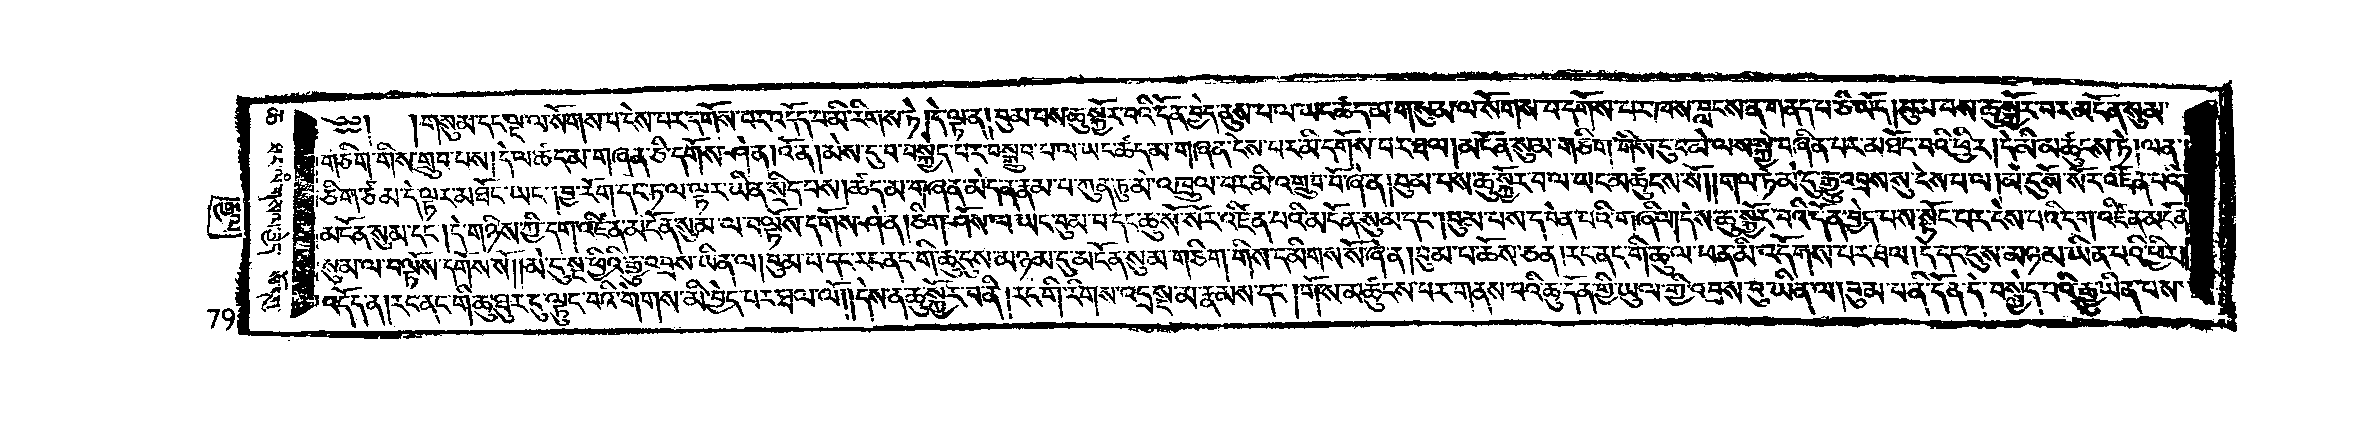༄༅། །གསུམ་དང་ལྔ་ལ་སོགས་པ་ངེས་པར་དགོས་པར་འདོད་པ་མི་རིགས་ཏེ། དེ་ལྟ་ན། བུམ་པས་ཆུ་སྐྱོར་བའི་དོན་བྱེད་ནུས་པ་ལ་ཡང་ཚད་མ་གསུམ་ལ་སོགས་པ་དགོས་པར་ཁས་བླངས་ན་གནད་པ་ཅི་ཡོད། བུམ་པས་ཆུ་སྐྱོར་བར་མངོན་སུམ་
གཅིག་གིས་གྲུབ་པས། དེ་ལ་ཚད་མ་གཞན་ཅི་དགོས་ཤེ་ན། འོ་ན། མེས་དུ་བ་བསྐྱེད་པར་བསྒྲུབ་པ་ལ་ཡང་ཚད་མ་གཞན་ངེས་པར་མི་དགོས་པར་ཐལ། མངོན་སུམ་གཅིག་གིས་དུ་བ་མེ་ལས་སྐྱེ་བཞིན་པར་མཐོང་བའི་ཕྱིར། དེ་མི་མཚུངས་ཏེ། ལན་
ཅིག་ཙམ་དེ་ལྟར་མཐོང་ཡང་། བྱ་རོག་དང་ཏ་ལ་ལྟར་ཡིན་སྲིད་པས། ཚད་མ་གཞན་མེད་ན་རྣམ་པ་ཀུན་ཏུ་མེ་འཁྲུལ་བར་མི་འགྲུབ་བོ་ཞེ་ན། བུམ་པས་ཆུ་སྐྱོར་བ་ལ་ཡང་མཚུངས་སོ། །གལ་ཏེ་མེ་དུ་རྒྱུ་འབྲས་སུ་ངེས་པ་ལ། མེ་དུ་སོ་སོར་འཛིན་པའི་
མངོན་སུམ་དང་། དེ་གཉིས་ཀྱི་དག་འཛིན་མངོན་སུམ་ལ་བལྟོས་དགོས་ཤེ་ན། ཅིག་ཤོས་ལ་ཡང་བུམ་པ་དང་ཆུ་སོ་སོར་འཛིན་པའི་མངོན་སུམ་དང་། བུམ་པས་དབེན་པའི་གཞི་ལ། དེས་ཆུ་སྐྱོར་བའི་དོན་བྱེད་པས་སྟོང་པར་ངེས་པའི་དག་འཛིན་མངོན་
སུམ་ལ་བལྟོས་དགོས་སོ། །མེ་དུ་སྔ་ཕྱིའི་རྒྱུ་འབྲས་ཡིན་ལ། བུམ་པ་དང་རང་ནང་གི་ཆུ་དུས་མཉམ་དུ་མངོན་སུམ་གཅིག་གིས་དམིགས་སོ་ཞེ་ན། བུམ་པ་ཆོས་ཅན། རང་ནང་གི་ཆུ་ལ་ཕན་མི་འདོགས་པར་ཐལ། དེ་དང་དུས་མཉམ་ཡིན་པའི་ཕྱིར།
འདོད་ན། རང་ནང་གི་ཆུ་ཐུར་དུ་ལྟུང་བའི་གེགས་མི་བྱེད་པར་ཐལ་ལོ། །དེས་ན་ཆུ་སྐྱོར་བ་ནི། རང་གི་རིགས་འདྲ་སྔ་མ་རྣམས་དང་། གོ་ས་མཚུངས་པར་གནས་པའི་ཆུ་དོན་གྱི་ཡུལ་གྱི་འབྲས་བུ་ཡིན་ལ། བུམ་པ་ནི་དོན་དེ་བསྐྱེད་པའི་རྒྱུ་ཡིན་པས་